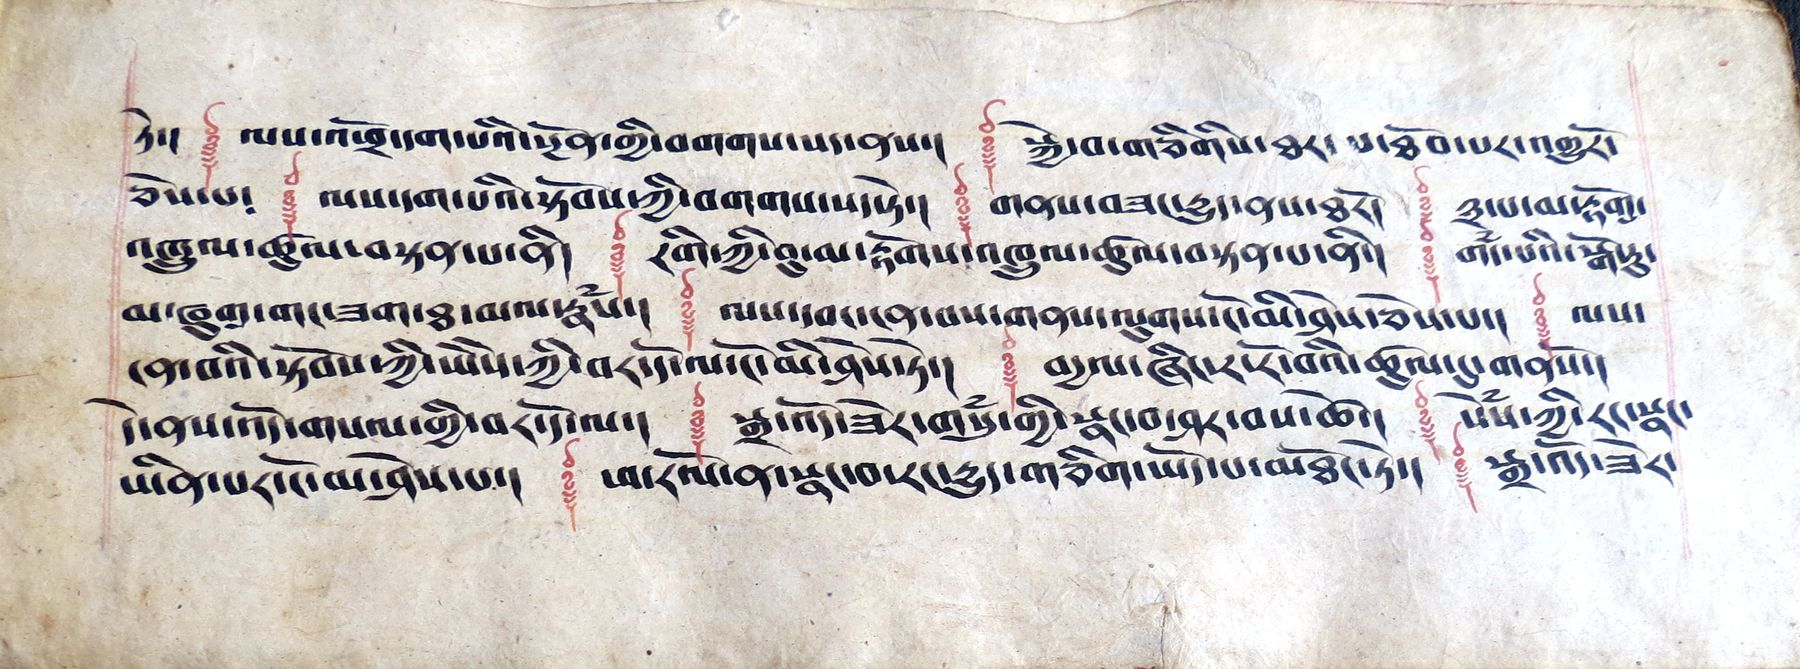སྟེ། ལས་འཕྲོ་དག་པས་སྔོན་གྱི་བག་ཆགས་སད་ནས། སྐྱེ་བ་གཅིག་གིས་ཐར་བ་ཆེན་པོ་ཐོབ་པར་འགྱུར་རོ། །
ཞེས་པས། ལས་དག་པའི་སྟོབས་ཀྱིས་བག་ཆགས་སད་དེ། གནས་བཟང་བརྒྱུད་ནས་ཐར་རོ། །ཚ༽ གསུམ་པ་མ་རྟོགས་
འཁྲུལ་ཚུལ་བསྟན་པ་ནི། རིགས་ཀྱི་བུ་མ་རྟོགས་འཁྲུལ་ཚུལ་བསྟན་པ་ནི། གདམས་པའི་སྒོ་རུ་
མ་ཞུགས་གང་ཟག་ཐ་མལ་རྣམས། ལས་དབང་ངན་པས་གནས་ལུགས་ངོ་མི་ཤེས། །ཞེས་པས། ལས་
ངན་པའི་སྟོབས་ཀྱིས་ཡེ་ཤེས་ཀྱི་བར་དོ་ལ་ངོ་མི་ཤེས་ཏེ། བརྒྱལ་ཞིང་ར་རོ་བའི་ཚུལ་དུ་གནས་སོ། །
དེ་ནས་འོད་གསལ་གྱི་བར་དོ་ལ། སྒྲ་འོད་ཟེར་གསུམ་གྱི་སྣང་བ་ཤར་བའི་ཚེ། སེམས་ཀྱི་རང་སྣང་
ཡིན་པར་ངོ་མ་ཤེས་པ། ཕ་རོལ་ན་སྣང་བ་རང་རྒྱུད་པ་ཞིག་ཡོད་པར་མཐོང་སྟེ། སྒྲ་འོད་ཟེར་